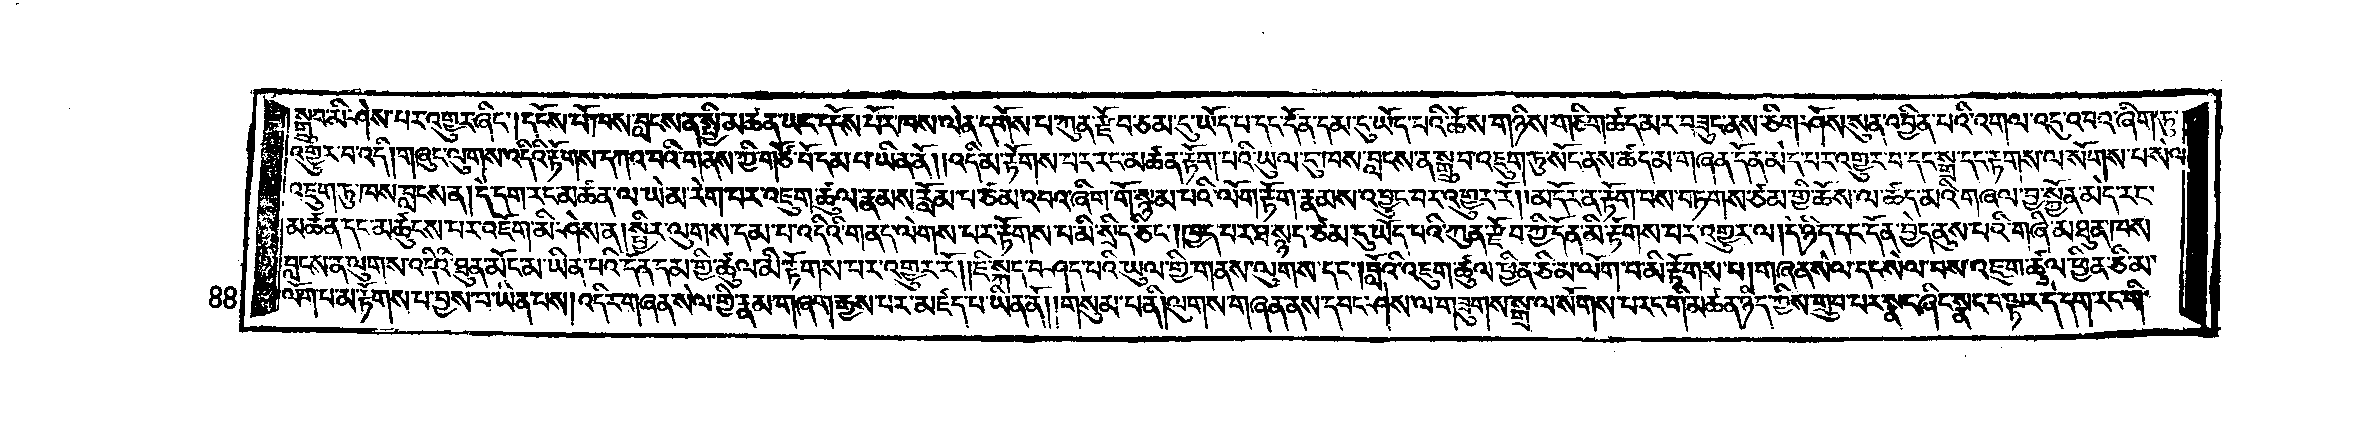སྒྲུབ་མི་ཤེས་པར་འགྱུར་ཞིང་། དངོས་པོ་ཁས་བླངས་ན་སྤྱི་མཚན་ཡང་དངོས་པོར་ཁས་ལེན་དགོས་པ་ཀུན་རྫོབ་ཙམ་དུ་ཡོད་པ་དང་དོན་དམ་དུ་ཡོད་པའི་ཆོས་གཉིས་གཅིག་ཚད་མར་བཟུང་ནས་ཅིག་ཤོས་སུན་འབྱིན་པའི་འགལ་འདུ་འབའ་ཞིག་ཏུ་
འགྱུར་བ་འདི། གཞུང་ལུགས་འདིའི་རྟོགས་དཀའ་བའི་གནས་ཀྱི་གཙོ་བོ་དམ་པ་ཡིན་ནོ། །འདི་མ་རྟོགས་པར་རང་མཚན་རྟོག་པའི་ཡུལ་དུ་ཁས་བླངས་ན་སྒྲུབ་འཇུག་ཏུ་སོང་ནས་ཚད་མ་གཞན་དོན་མེད་པར་འགྱུར་བ་དང་སྒྲ་དང་རྟགས་ལ་སོགས་པ་སེལ་
འཇུག་ཏུ་ཁས་བླངས་ན། དེ་དག་རང་མཚན་ལ་ཡེ་མ་རེག་པར་འཇུག་ཚུལ་རྣམས་རློམ་པ་ཙམ་འབའ་ཞིག་གོ་སྙམ་པའི་ལོག་རྟོག་རྣམས་འབྱུང་བར་འགྱུར་རོ། །མདོར་ན་རྟོག་པས་བཏགས་ཙམ་གྱི་ཆོས་ལ་ཚད་མའི་གཞལ་བྱ་སྐྱོན་མེད་རང་
མཚན་དང་མཚུངས་པར་འཇོག་མི་ཤེས་ན། སྤྱིར་ལུགས་དམ་པ་འདིའི་གནད་ལེགས་པར་རྟོགས་པ་མི་སྲིད་ཅིང་། །ཁྱད་པར་ཐ་སྙད་ཙམ་དུ་ཡོད་པའི་ཀུན་རྫོབ་ཀྱི་དོན་མི་རྟོགས་པར་འགྱུར་ལ། དེ་ཉིད་དང་དོན་བྱེད་ནུས་པའི་གཞི་མཐུན་ཁས་
བླངས་ན་ལུགས་འདེའི་ཐུན་མོང་མ་ཡིན་པའི་དོན་དམ་གྱི་ཚུལ་མི་རྟོགས་པར་འགྱུར་རོ། །ཇི་སྐད་བཤད་པའི་ཡུལ་གྱི་གནས་ལུགས་དང་། བློའི་འཇུག་ཚུལ་ཕྱིན་ཅི་མ་ལོག་པ་མི་རྟོགས་པ། གཞན་སེལ་དང་སེལ་བས་འཇུག་ཚུལ་ཕྱིན་ཅི་མ་
ལོག་པ་མ་རྟོགས་པ་བྱས་པ་ཡིན་པས། འདིར་གཞན་སེལ་གྱི་རྣམ་གཞག་རྒྱས་པར་མཛད་པ་ཡིན་ནོ། །གསུམ་པ་ནི། ལུགས་གཞན་ནས་དབང་ཤེས་ལ་གཟུགས་སྒྲ་ལ་སོགས་པ་རང་གི་མཚན་ཉིད་ཀྱིས་གྲུབ་པར་སྣང་ཞིང་སྣང་བ་ལྟར་དེ་དག་རང་གི་